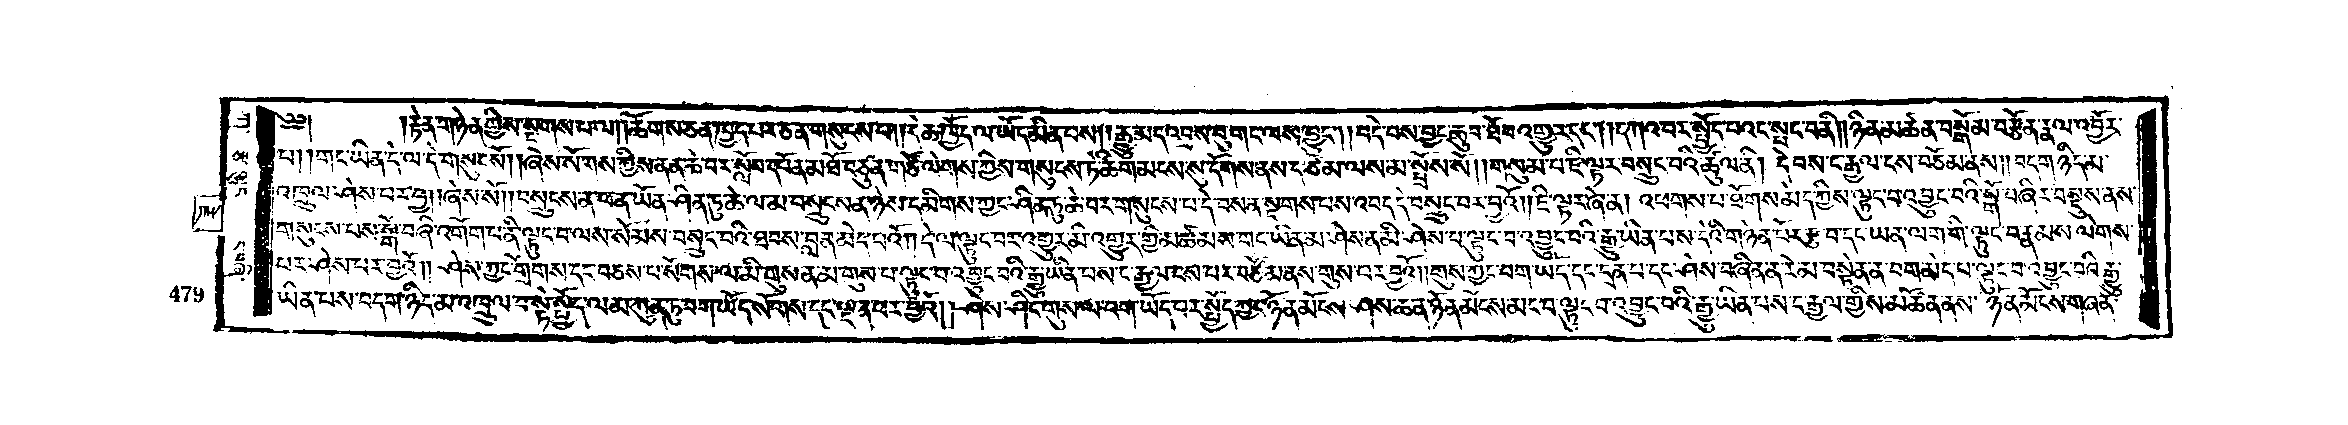༄༅། །རྟེན་གཉེན་གྱིས་སྔགས་པ་ལ། །ཆོགས་ཅན་ཁྱད་པར་ཅན་གསུངས་པ། །དེ་ཆ་ཁྱོད་ལ་ཡོད་མིན་པས། །རྒྱུ་མད་འབྲས་བུ་གང་ལས་བྱུང་། །བདེ་བས་བྱང་ཆུབ་ཐོབ་འགྱུར་དང་། །དཀའ་བར་སྤྱོད་པའང་སྤང་བ་ནི། །ཉིན་མཚན་བསྒོམ་བརྩོན་རྣལ་འབྱོར་
པ། །གང་ཡིན་དེ་ལ་དེ་གསུངས་སོ། །ཞེས་སོགས་ཀྱིས་ནན་ཆེ་བར་སློབ་དཔོན་མཐོ་བཙུན་གཙོ་ལེགས་ཀྱིས་གསུངས་ཏེ་ཚིག་མངས་སུ་དོགས་ནས་ད་ཙམ་ལས་མ་སྤྲོས་སོ། །གསུམ་པ་ཇི་ལྟར་བསྲུང་བའི་ཚུལ་ནི། དེ་བས་ང་རྒྱལ་ངས་བཅོམ་ནས། །བདག་ཉིད་མ་
འཁྲུལ་ཤེས་པར་བྱ། །ཞེས་སོ། །བསྲུངས་ན་ཕན་ཡོན་ཤིན་ཏུ་ཆེ་ལ་མ་བསྲུངས་ན་ཉེས་དམིགས་ཀྱང་ཤིན་ཏུ་ཆེ་བར་གསུངས་པ་དེ་བས་ན་སྔགས་པས་འབད་དེ་བསྲུང་བར་བྱའོ། །ཇི་ལྟར་ཞེ་ན། འཕགས་པ་ཐོགས་མེད་ཀྱིས་ལྟུང་བ་འབྱུང་བའི་སྒོ་བཞིར་བསྡུས་ནས་
གསུངས་པས་སྒོ་བཞི་འགོག་པ་ནི་ལྟུང་བ་ལས་སོམས་བསྲུང་བའི་ཐབས་བླ་ན་མེད་པའོ། །དེ་ལ་ལྟུང་བར་འགྱུར་མི་འགྱུར་གྱི་མཚམས་གང་ཡིན་མ་ཤེས་ན་མི་ཤེས་པ་ལྟུང་བ་འབྱུང་བའི་རྒྱུ་ཡིན་པས་དེའི་གཉེན་པོར་རྩ་བ་དང་ཡན་ལག་གི་ལྟུང་བ་རྣམས་ལེགས་
པར་ཤེས་པར་བྱའོ། །ཤེས་ཀྱང་གྲོགས་དང་བཅས་པ་སོགས་ལ་མི་གུས་ན་མ་གུས་པ་ལྟུང་བ་འབྱུང་བའི་རྒྱུ་ཡིན་པས་ང་རྒྱལ་ངས་པར་བཙོམ་ནས་གུས་པར་བྱའོ། །གུས་ཀྱང་བག་ཡོད་དང་དྲན་པ་དང་ཤེས་བཞིན་ན་རེ་མ་བསྟེན་ན་བག་མེད་པ་ལྟུང་བ་འབྱུང་བའི་རྒྱུ་
ཡིན་པས་བདག་ཉིད་མ་འཁྲུལ་བ་སྟེ་སྤྱོད་ལམ་ཀུན་ཏུ་བག་ཡོད་སོགས་དང་ལྡན་པར་བྱའོ། །ཤེས་ཤིང་གུས་ལ་བག་ཡོད་པར་སྤྱོད་ཀྱང་ཉོན་མོངས་ཤས་ཆན་ཉོན་མོངས་མང་བ་ལྟུང་བ་འབྱུང་བའི་རྒྱུ་ཡིན་པས་ང་རྒྱལ་གྱིས་མཚོན་ནས་ཉོན་མོངས་གཞན་